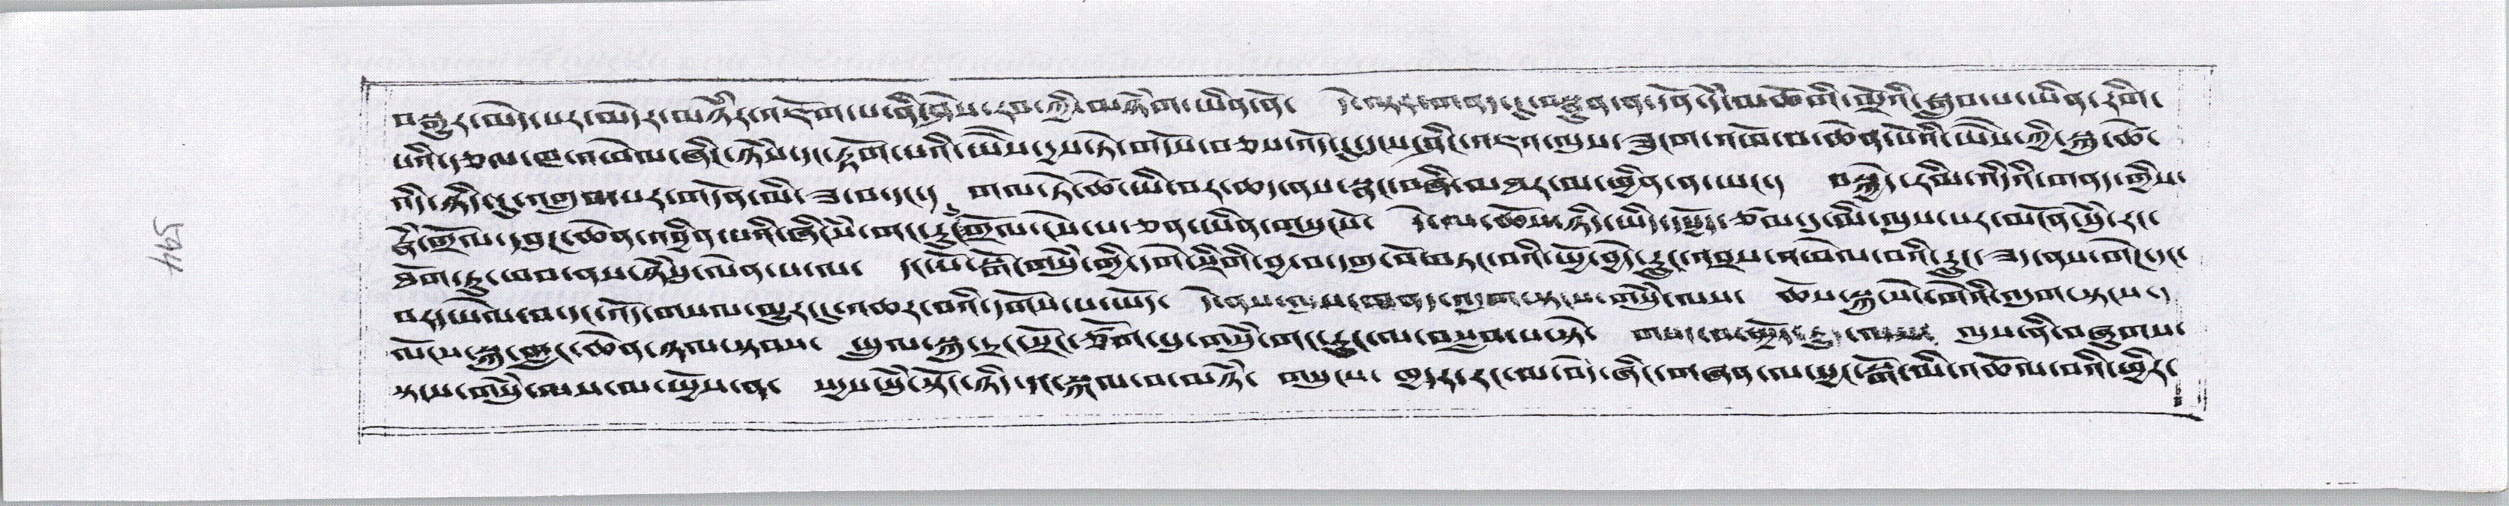བསྒྱུར་མེད་པར་མཉམ་པར་འཇོག་པ་ནི་ཤེས་རབ་ཀྱི་མཉམ་གཞག་ཡིན་ནོ། དེ་ལྟར་གནད་དུ་བསྣུན་ན་དོན་དམ་མཆོག་གི་མཁའ་འགྲོའི་སྒྲུབ་པ་ཡིན། རིག་
པའི་རྩལ་ཁ་འཕེལ་ཞིང་ཉམས་དང་རྟོགས་པའི་ཡེ་ཤེས་རྒྱས་ཏེ་གདོས་བཅས་འོད་དུ་དེངས་ཤིང་འཇའ་ལུས་ཟུང་འཇུག་འཕོ་བ་ཆེན་པོའི་ཡེ་ཤེས་ཀྱི་སྐུ་ཚེ་
འདི་ཉིད་དུ་འགྲུབ་པར་གདོན་མི་ཟ་བ་དང་། གལ་ཏེ་ཚེ་ཡི་བར་ཆད་ནས་སྣང་བཞི་མཐར་མ་ཕྱིན་ན་ཡང་། བསྐྱེད་རིམ་འདིའི་གནད་ཀྱིས་
རྣམ་གྲོལ་དབུགས་ཆེན་འབྱིན་པའི་ཞིང་ཁམས་གང་རུང་དུ་གྲོལ་ངེས་པ་ཅན་ཡིན་གསུངས་སོ། དེ་ལ་ཆོས་ཉིད་ཡིད་དཔྱོད་ཙམ་དུ་མི་ལུས་པར་མངོན་སུམ་རང་
ཐོག་ཏུ་ཕབ་ནས་ཉམས་སུ་ལེན་པ་ལ། དང་པོ་སྒོ་གསུམ་དགེ་སྡིག་གི་བྱ་བ་དགུ་པོ་བཏང་བའི་ཡོ་བྱད་རླུང་འབྲས་འཕེལ་བའི་རླུང་ཟད་ནས་གེགས་དང་
བར་ཆད་སེལ་བ་དང་འོད་གསལ་མྱུར་དུ་འཆར་བའི་དགོས་པ་ཡོད། དེ་ནས་ལུས་གནད་འདུག་སྟངས་གསུམ་ལས། ཆོས་སྐུ་སེང་གེའི་འདུག་སྟངས། 
ལོངས་སྐུ་གླང་ཆེན་ཉལ་སྟབས། སྤྲུལ་སྐུ་དྲང་སྲོང་ཙོག་པུ་གསུམ་གང་རུང་ལ་བསླབ་པ་སྟེ། གསང་བ་སྤྱོད་རྒྱུད་ལས། ལུས་ནི་བཞུགས་
སྟངས་གསུམ་ལས་མ་གཡོས་ན། སངས་རྒྱས་སུམ་སྟོང་ཉིད་དང་བསྐལ་པ་མཉམ། གསུངས། ཁྱད་པར་རང་ལ་བདེ་ཞིང་གཞན་ལ་གསང་སྒོ་མི་འཆོལ་བའི་ཕྱིར་